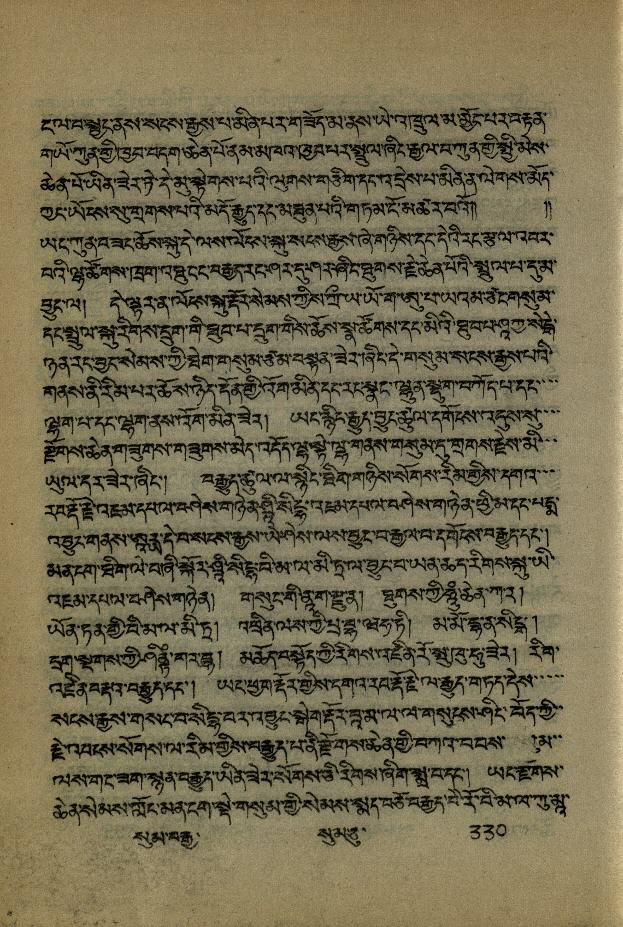ངལ་བ་སྦྱང་ནས་སངས་རྒྱས་པ་མིན་པར་གཟོད་མ་ནས་ཡེ་འཁྲུལ་མ་མྱོང་པར་བརྟན་
གཡོ་ཀུན་གྱི་ཁྱབ་བདག་ཆེན་པོ་ནམ་མཁའ་ཁྱབ་པར་སྤྲུལ་ཞིང་རྒྱལ་བ་ཀུན་གྱི་སྤྱི་མེས་
ཆེན་པོ་ཡིན་ཟེར་ཏེ་དེ་མུ་སྟེགས་པའི་ལུགས་གཅིག་དང་འདྲེས་པ་མིན་ན་ལེགས་མོད་
ཀྱང་ཡོངས་སུ་གྲགས་པའི་མདོ་རྒྱུད་དང་མཐུན་པའི་གཏམ་ངོ་མཚར་བའོ།། །།
ཡང་ཀུན་བཟང་ཆོས་སྐུ་དེ་ལས་ལོངས་སྐུ་སངས་རྒྱས་ཞེ་གཉིས་དང་དེའི་རང་རྩལ་འབར་
བའི་ལྷ་ཚོགས་ཁྲག་འཐུང་ང་བརྒྱད་རང་ཤར་དུ་ཤར་ཞིང་ཐུགས་རྗེ་ཆེན་པོའི་སྤྲུལ་པ་དུ་མ་
བྱུང་ལ། དེ་ལྟར་ན་ལོངས་སྐུ་རྡོར་སེམས་ཀྱིས་ཀྲྀ་ཡ་ཡོ་ག་ཨུ་པ་ཡའམ་ཙང་གསུམ་
དང་སྤྲུལ་སྐུ་རིགས་དྲུག་གི་ཐུབ་པ་དྲུག་གིས་ཆོས་སྣ་ཚོགས་དང་མིའི་ཐུབ་པ་ཤཱཀྱ་སེངྒེ་
ཉན་རང་བྱང་སེམས་ཀྱི་ཐེག་གསུམ་ཙམ་བསྟན་ཟེར་ཞིང་དེ་གསུམ་སངས་རྒྱས་པའི་
གནས་ནི་རིམ་པར་ཆོས་ཉིད་དོན་གྱི་འོག་མིན་དང་རང་སྣང་ལྷུན་སྡུག་བཀོད་པ་དང་
ལྷག་པ་དང་ལྷག་ནས་འོག་མིན་ཟེར། ཡང་རྙིང་རྒྱུད་བྱུང་ཚུལ་དགོངས་འདུས་སུ་
རྫོགས་ཆེན་གཟུགས་གཟུགས་མེད་འདོད་ལྷ་སྟེ་ལྷ་གནས་གསུམ་དུ་གྲགས་རྗེས་མི་
ཡུལ་དར་ཟེར་ཞིང་། བརྒྱུད་ཚུལ་ལ་སྙིང་ཐིག་གཉིས་སོགས་རིམ་གྱིས་དགའ་
རབ་རྡོ་རྗེ་འཇམ་དཔལ་བཤེས་གཉེན་ཤྲཱི་སིདྷ་འཇམ་དཔལ་བཤེས་གཉེན་ཕྱི་མ་དང་པདམ་
འབྱུང་གནས་ཨཱརྱ་དེ་བ་སངས་རྒྱས་ཡེ་ཤེས་ལས་བྱུང་བ་རྒྱལ་བ་དགོངས་བརྒྱུད་དང་།
མན་ངག་ཐིག་ལེ་བཞི་སྐོར་ཤྲཱི་སིདྷ་བི་མ་ལ་མི་ཏྲ་ལ་བྱུང་བ་ཡན་ཆད་རིགས་སྐུ་ཡི་
འཇམ་དཔལ་བཤེས་གཉེན། གསུང་གི་ནཱ་ག་རྫུ་ན། ཐུགས་ཀྱི་ཧཱུཾ་ཆེན་ཀ་ར།
ཡོན་ཏན་གྱི་བི་མ་ལ་མི་ཏྲ། འཕྲིན་ལས་ཀྱི་པྲ་བྷ་ཝ་ཧ་ཧི། མ་མོ་དྷ་ན་སིངྒ།
དྲག་སྔགས་ཀྱི་ཤནྟིཾ་གར་བྷ། མཆོད་བསྟོད་ཀྱི་རིགས་འཛིན་རོ་སྤུ་ཁུ་ཧུ་ཟེར། རིག་
འཛིན་བརྡའ་བརྒྱུད་དང་། ཡང་ཕྱག་རྡོར་གྱིས་དགའ་རབ་རྡོ་རྗེ་ལ་རྒྱུད་གཏད་དེས་
སངས་རྒྱས་གསང་བ་སིདྷ་བར་འབྱུང་སྒེག་རྡོར་བཱ་མ་ལ་ལ་གསུངས་ཤིང་བོད་ཀྱི་
རྗེ་འབངས་སོགས་ལ་རིམ་གྱིས་བརྒྱུད་པ་ནི་རྫོགས་ཆེན་གྱི་བཀའ་བབས། །? བུམ་
ལས་གང་ཟག་སྙན་བརྒྱུད་ཡིན་ཟེར་སོགས་ཅི་རིགས་ཞིག་སྨྲ་བ་དང་། ཡང་རྫོགས་
ཆེན་སེམས་ཀློང་མན་ངག་སྡེ་གསུམ་གྱི་སེམས་སྨད་བཅོ་བརྒྱད་བཻ་རོ་བི་མ་ལ་ཀུ་མཱ་